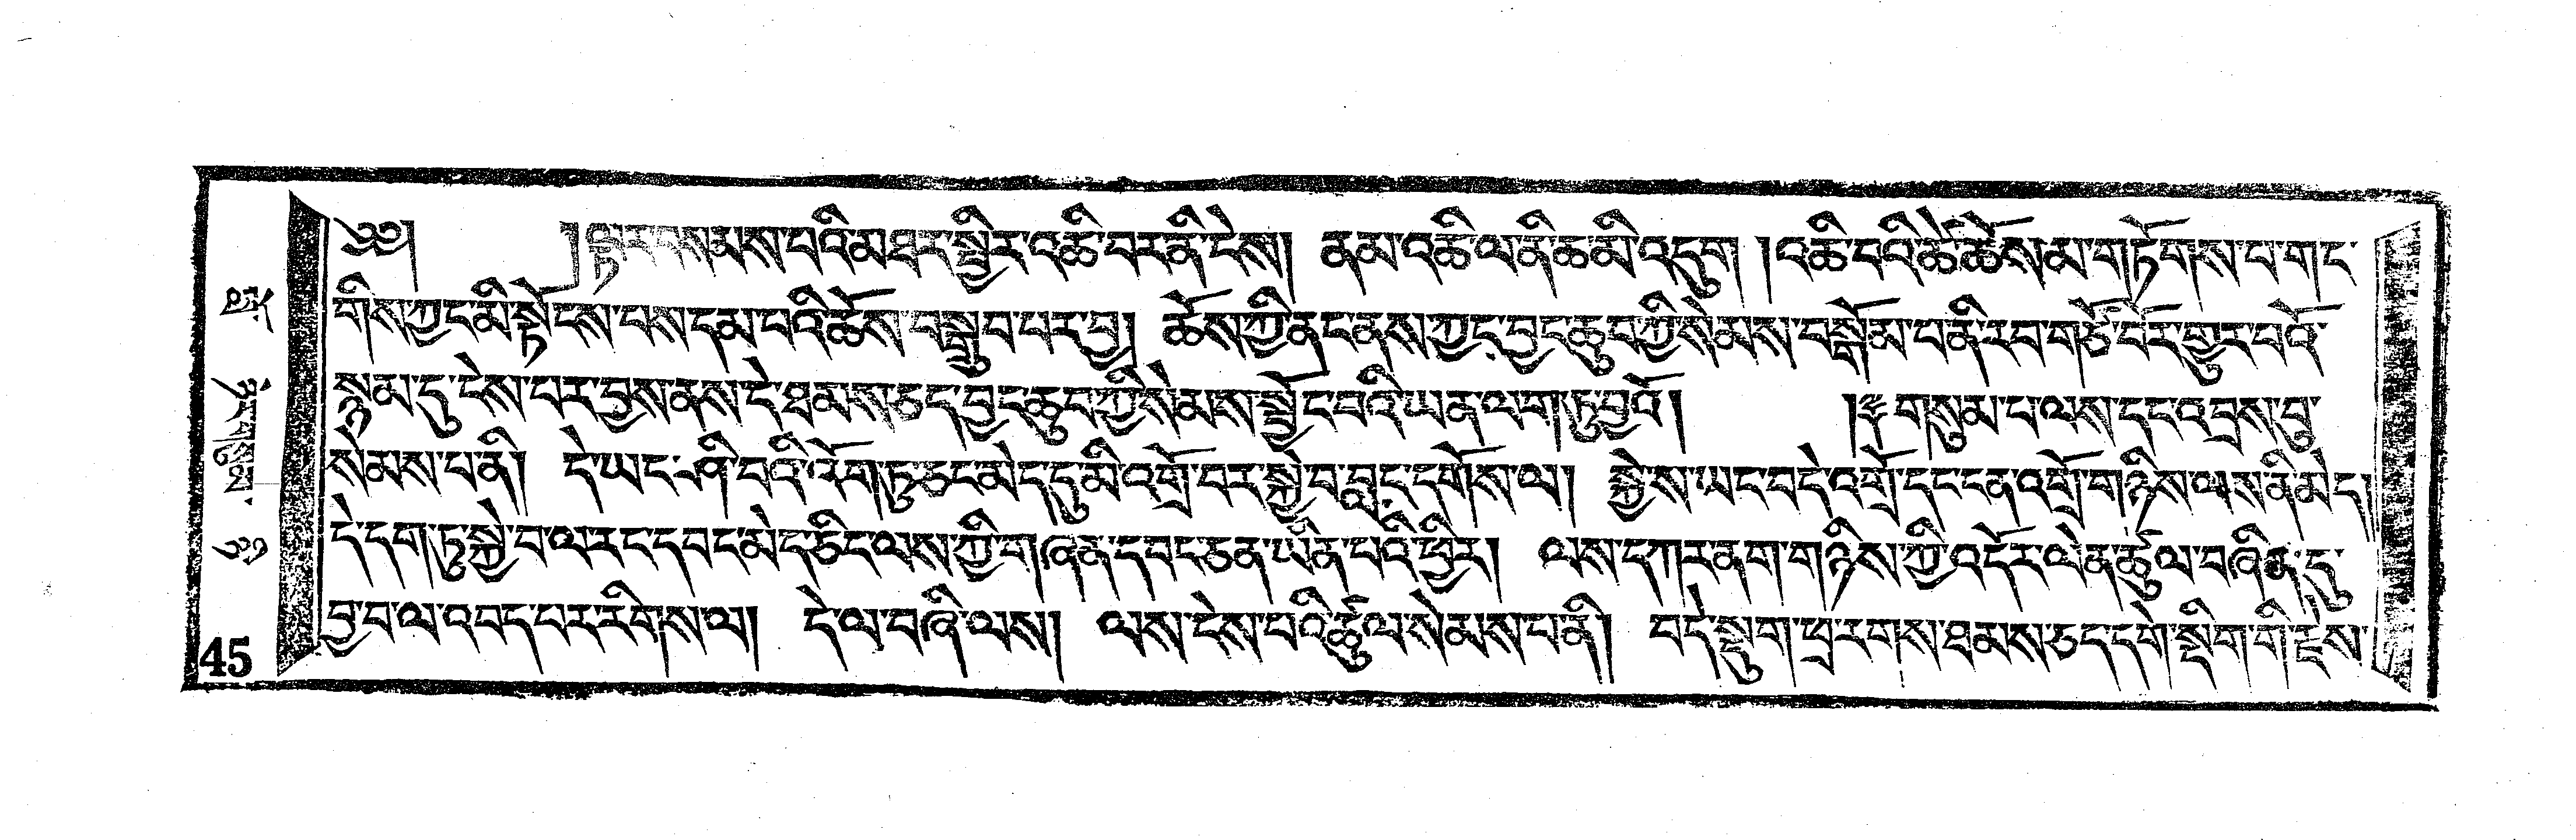༄༅། །ལྟར་བསམས་པའི་མཐར་སྤྱིར་འཆི་བར་ནི་ངེས། ནམ་འཆི་ལ་ནི་ཆ་མི་འདུག །འཆི་བའི་ཚེ་ཆོས་མ་གཏོགས་པ་གང་
གིས་ཀྱང་མི་སྟོངས་པས་དམ་པའི་ཆོས་བསྒྲུབ་པར་བྱ། ཆོས་ཀྱི་ནང་ནས་ཀྱང་བྱང་ཆུབ་ཀྱི་སེམས་བསྒོམ་པ་ནི་རབ་གཙོ་བོར་གྱུར་པའོ་
སྙམ་དུ་ངེས་པར་བྱས་ནས་དེ་ཐམས་ཅད་བྱང་ཆུབ་ཀྱི་སེམས་སྦྱོང་བའི་ཡན་ལག་ཏུ་བྱའོ། ། ༈ གསུམ་པ་ལས་དང་འབྲས་བུ་
སེམས་པ་ནི། དེ་ཡང་ཤི་བའི་འོག་ཏུ་ཅང་མེད་དུ་མི་འགྲོ་བར་སྐྱེ་བ་བླང་དགོས་ལ། སྐྱེ་ས་ཡང་བདེ་འགྲོ་དང་ངན་འགྲོ་གཉིས་ལས་ནི་མེད།
དེ་དག་ཏུ་སྐྱེ་བ་ལ་རང་དབང་མེད་ཅིང་ལས་ཀྱི་གཞན་དབང་ཅན་ཡིན་པའི་ཕྱིར། ལས་དཀར་ནག་གཉིས་ཀྱི་འདོར་ལེན་ཚུལ་བཞིན་དུ་
བྱ་བ་ལ་འབད་པར་རིགས་ལ། དེ་ལ་བཞི་ལས། ལས་ངེས་པའི་ཚུལ་སེམས་པ་ནི། བདེ་སྡུག་ཕྲ་རགས་ཐམས་ཅད་དགེ་སྡིག་གི་རྗེས་